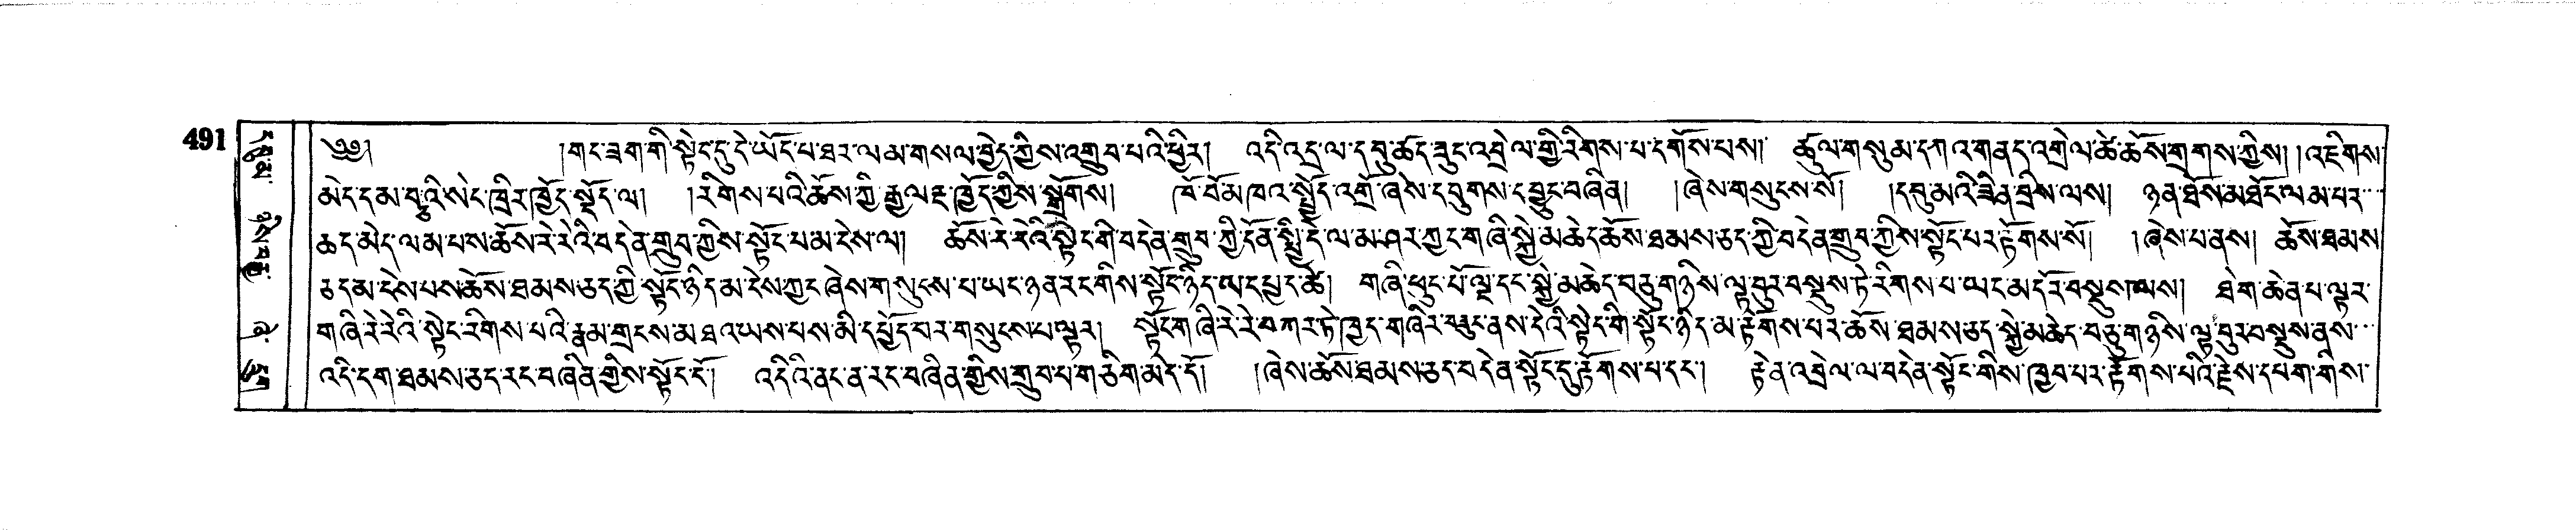༄༅། །གང་ཟག་གི་སྟེང་དུ་དེ་ཡོད་པ་ཐར་ལམ་གསལ་བྱེད་ཀྱིས་འགྲུབ་པའི་ཕྱིར། འདི་འདྲ་ལ་དབུ་ཚད་ཟུང་འབྲེལ་གྱི་རིགས་པ་དགོས་པས། ཚུལ་གསུམ་དཀའ་གནད་འགྲེལ་ཚེ་ཆོས་གྲགས་ཀྱིས། །འཇིགས་
མེད་དམ་བཅའི་སེང་ཁྲིར་ཁྱོད་སྡོད་ལ། །རིགས་པའི་ཆོས་ཀྱི་རྒྱལ་རྔ་ཁྱོད་ཀྱིས་སྒྲོགས། ཁོ་བོ་མཁའ་སྤྱོད་འགྲོ་ཞེས་དབུགས་དབྱུང་བཞིན། །ཞེས་གསུངས་སོ། །དབུ་མའི་ཟིན་བྲིས་ལས། ཉན་ཐོས་མཐོང་ལམ་པར་
ཆད་མེད་ལམ་པས་ཆོས་རེ་རེའི་བདེན་གྲུབ་ཀྱིས་སྟོང་པ་མ་ངེས་ལ། ཆོས་རེ་རེའི་སྟེང་གི་བདེན་གྲུབ་ཀྱི་དོན་སྤྱི་དེ་ལ་མ་ཤར་ཀྱང་གཞི་སྐྱེ་མཆེད་ཆོས་ཐམས་ཅད་ཀྱི་བདེན་གྲུབ་ཀྱིས་སྟོང་པར་རྟོགས་སོ། །ཞེས་པ་ནས། ཆོས་ཐམས་
ཅད་མ་ངེས་པས་ཆོས་ཐམས་ཅད་ཀྱི་སྟོང་ཉིད་མ་ངེས་ཀྱང་ཞེས་གསུངས་པ་ཡང་ཉན་རང་གིས་སྟོང་ཉིད་ལ་དཔྱད་ཚེ། གཞི་ཕུང་པོ་ལྔ་དང་སྐྱེ་མཆེད་བཅུ་གཉིས་ལྟ་བུར་བསྡུས་ཏེ་རིགས་པ་ཡང་མདོར་བསྡུས་ལས། ཐེག་ཆེན་པ་ལྟར་
གཞི་རེ་རེའི་སྟེང་རིགས་པའི་རྣམ་གྲངས་མཐའ་ཡས་པས་མི་དཔྱོད་པར་གསུངས་པ་ལྟར། སྟོང་གཞི་རེ་རེ་བཀར་ཏེ་ཁྱད་གཞིར་བཟུང་ནས་དེའི་སྟེང་གི་སྟོང་ཉིད་མ་རྟོགས་པར་ཆོས་ཐམས་ཅད་སྐྱེ་མཆེད་བཅུ་གཉིས་ལྟ་བུར་བསྡུས་ནས་
འདི་དག་ཐམས་ཅད་རང་བཞིན་གྱིས་སྟོང་ངོ། འདིའི་ནང་ན་རང་བཞིན་གྱིས་གྲུབ་པ་གཅིག་མེད་དོ། །ཞེས་ཆོས་ཐམས་ཅད་བདེན་སྟོང་དུ་རྟོགས་པ་དང་། རྟེན་འབྲེལ་ལ་བདེན་སྟོང་གིས་ཁྱབ་པར་རྟོགས་པའི་རྗེས་དཔག་གིས་